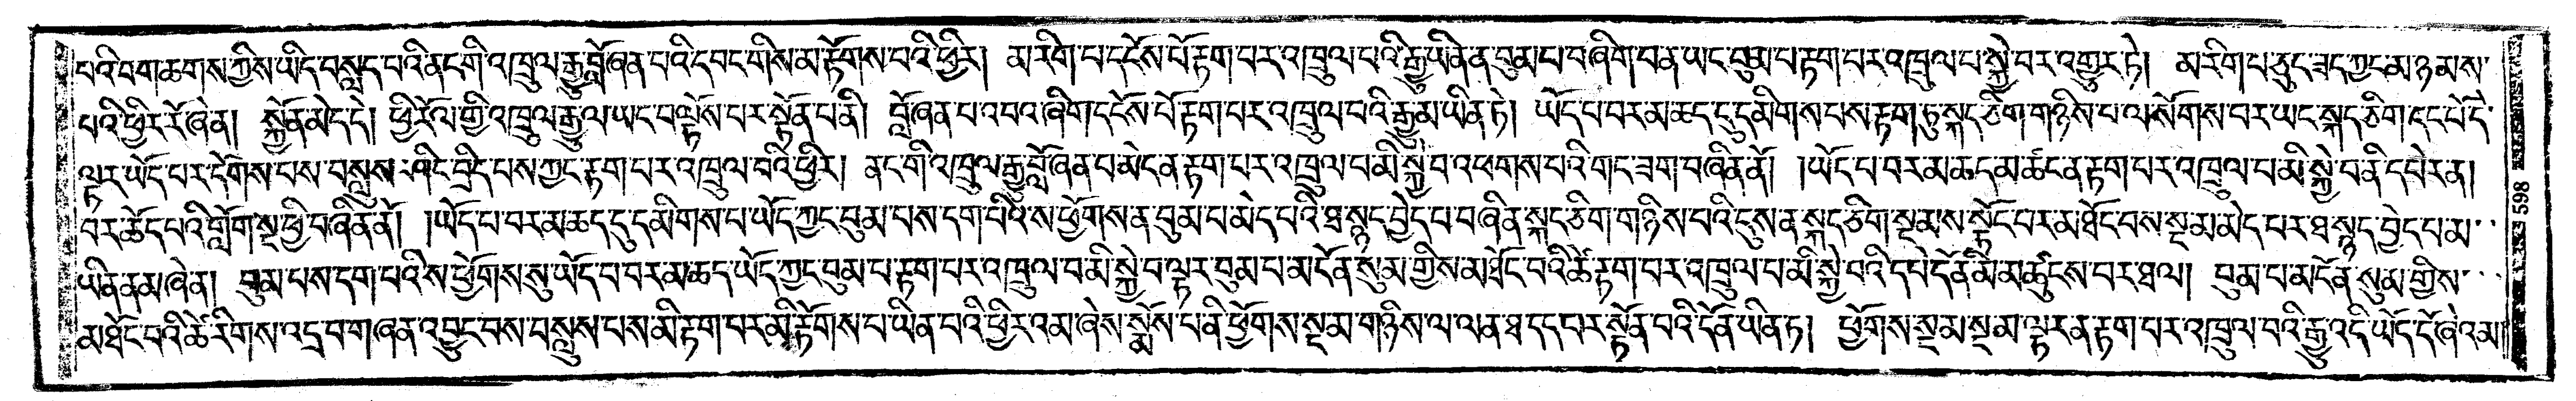པའི་བག་ཆགས་ཀྱིས་ཡིད་བསླད་པའི་ནང་གི་འཁྲུལ་རྒྱུ་བློ་ཞན་པའི་དབང་གིས་མ་རྟོགས་པའི་ཕྱིར། མ་རིག་པ་དངོས་པོ་རྟག་པར་འཁྲུལ་པའི་རྒྱུ་ཡིན་ན་བུམ་པ་བཞིག་པ་ན་ཡང་བུམ་པ་རྟག་པར་འཁྲུལ་པ་སྐྱེ་བར་འགྱུར་ཏེ། མ་རིག་པ་ཅུང་ཟད་ཀྱང་མ་ཉམས་
པའི་ཕྱིར་རོ་ཞེ་ན། སྐྱོན་མེད་དེ། ཕྱི་རོལ་གྱི་འཁྲུལ་རྒྱུ་ལ་ཡང་བལྟོས་པར་སྟོན་པ་ནི། བློ་ཞན་པ་འབའ་ཞིག་དངོས་པོ་རྟག་པར་འཁྲུལ་བའི་རྒྱུ་མ་ཡིན་ཏེ། ཡོད་པ་བར་མ་ཆད་དུ་དམིགས་པས་རྟག་ཏུ་སྐད་ཅིག་གཉིས་པ་ལ་སོགས་པར་ཡང་སྐད་ཅིག་དང་པོ་དེ་
ལྟར་ཡོད་པར་དོགས་པས་བསླུས་ཤིང་བྲིད་པས་ཀྱང་རྟག་པར་འཁྲུལ་བའི་ཕྱིར། ནང་གི་འཁྲུལ་རྒྱུ་བློ་ཞན་པ་མེད་ན་རྟག་པར་འཁྲུལ་པ་མི་སྐྱེ་བ་འཕགས་པའི་གང་ཟག་བཞིན་ནོ། །ཡོད་པ་བར་མ་ཆད་མ་ཚང་ན་རྟག་པར་འཁྲུལ་པ་མི་སྐྱེ་བ་ནི་དཔེར་ན།
བར་ཆོད་པའི་གློག་སྔ་ཕྱི་བཞིན་ནོ། །ཡོད་པ་བར་མ་ཆད་དུ་དམིགས་པ་ཡོད་ཀྱང་བུམ་པས་དག་པའི་ས་ཕྱོགས་ན་བུམ་པ་མེད་པའི་ཐ་སྙད་བྱེད་པ་བཞིན་སྐད་ཅིག་གཉིས་པའི་དུས་ན་སྐད་ཅིག་སྔ་མས་སྟོང་བར་མཐོང་བས་སྔ་མ་མེད་པར་ཐ་སྙད་བྱེད་པ་མ་
ཡིན་ནམ་ཞེ་ན། བུམ་པས་དག་པའི་ས་ཕྱོགས་སུ་ཡོད་པ་བར་མ་ཆད་ཡོད་ཀྱང་བུམ་པ་རྟག་པར་འཁྲུལ་བ་མི་སྐྱེ་བ་ལྟར་བུམ་པ་མངོན་སུམ་གྱིས་མཐོང་བའི་ཚེ་རྟག་པར་འཁྲུལ་པ་མི་སྐྱེ་བའི་དཔེ་དོན་མི་མཚུངས་པར་ཐལ། བུམ་པ་མངོན་སུམ་གྱིས་
མཐོང་བའི་ཚེ་རིགས་འདྲ་བ་གཞན་འབྱུང་བས་བསླུས་པས་མི་རྟག་པར་མི་རྟོགས་པ་ཡིན་པའི་ཕྱིར་འམ་ཞེས་སྨོས་པ་ནི་ཕྱོགས་སྔ་མ་གཉིས་ལ་ལན་ཐ་དད་པར་སྟོན་པའི་དོན་ཡིན་ཏེ། ཕྱོགས་སྔ་མ་སྔ་མ་ལྟར་ན་རྟག་པར་འཁྲུལ་བའི་རྒྱུ་འདི་ཡོད་དོ་ཞེའམ།